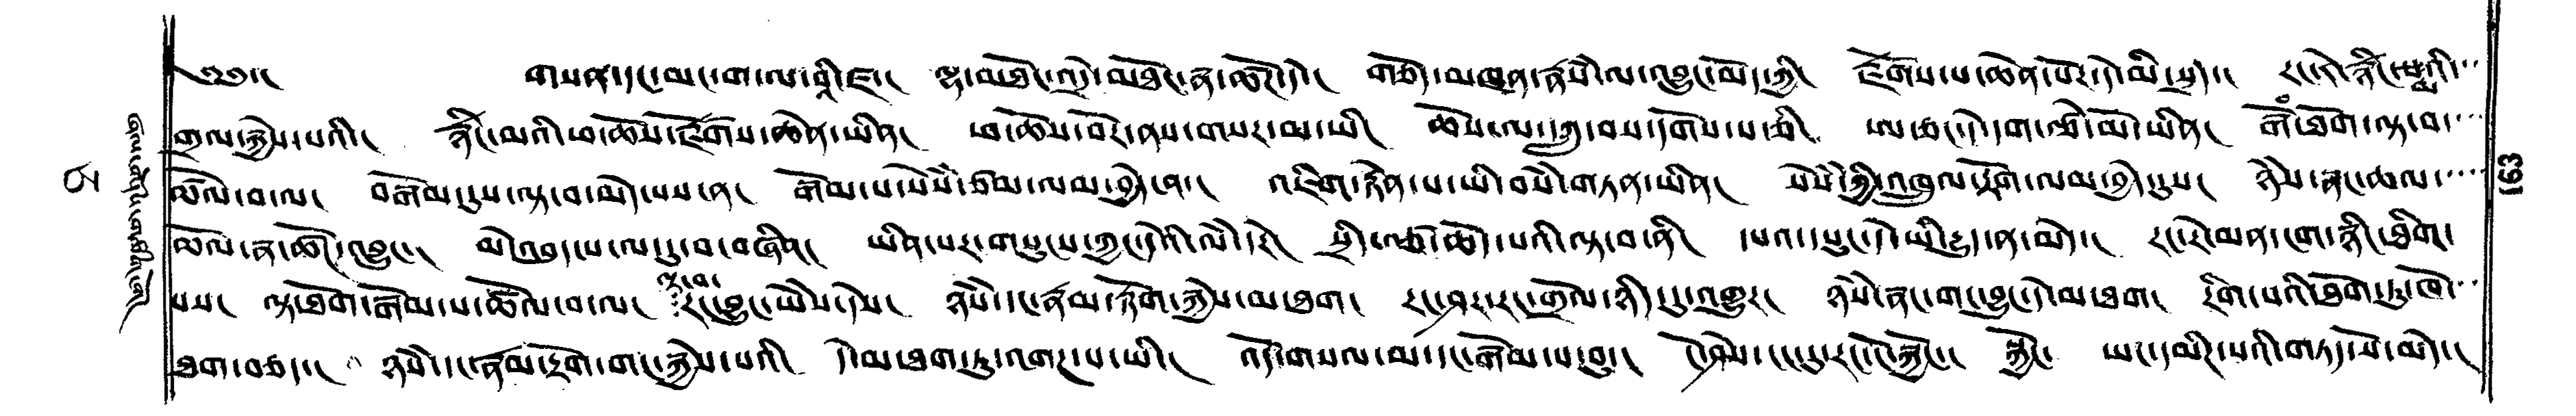༄༅། གསན་དང་མངྒ་ལ་བཱི་ཛ། །ལྷ་མཐོང་འདྲེ་མཐོང་སྣ་ཚོགས་དེ། །གཅོད་མཁན་རྣམས་ལ་འབྱུང་མོད་ཀྱི། །རྫོགས་པ་ཆེན་པོར་དེ་མི་སྲིད། །རང་རེ་རྙིང་མའི་
གྲལ་སྐྱེས་པའི། །རྙིང་མའི་ཕ་ཆོས་རྫོགས་ཆེན་ཡིན། །ཕ་ཆོས་བོར་ནས་གསར་མ་ཡི། །ཆོས་ལ་བསླབས་པས་དགོས་པ་ཅི། །ཨ་ཅང་དེ་དག་རྩེད་མོ་ཡིན། །སྒོམ་ཐོག་ལྟ་བ་
འཚོལ་བ་ལ། །སྒོམ་དུས་ལྟ་བ་མེད་པས་ན། །སྒོམ་པ་སེམས་ཙམ་ལམ་བྱེད་ན། །འཇིག་རྟེན་པ་ཡི་བསམ་གཏན་ཡིན། །སེམས་ཀྱི་འཁྲུལ་རྟོག་ལམ་བྱེད་དུས། །ཉམས་སྣང་ཆལ་
ཆོལ་སྣ་ཚོགས་འབྱུང་། །མེ་འབུད་པ་ལ་དུ་བ་བཞིན། །ཡིན་པར་གསུངས་ཀྱང་དེའི་ལམ་དེར། །སྲིད་རྩ་ཆོད་པའི་ལྟ་བ་ནི། །དཔའ་དཔུང་དེ་ཡི་རྒྱུད་ན་མེད། །རང་རེ་མན་ངག་སྙིང་ཐིག་
པས། །ལྟ་ཐོག་སྒོམ་པ་འཚོལ་བ་ལ། །ལྟ་བ་རང་བྱུང་ཡེ་ཤེས་དེས། །ཉམས་དང་རྣམ་རྟོག་སྐྱེས་མ་ཐག །རང་ཤར་རང་གྲོལ་ཉིད་དུ་འགྱུར། །ཉམས་སྣང་གང་བྱུང་དེ་མ་ཐག །རིག་པའི་ཐོག་ཏུ་ཁོ་
ཐག་གཅད། །ཉམས་དང་རྣམ་རྟོག་གང་སྐྱེས་པའི། །དེ་མ་ཐག་ཏུ་འགགས་པ་ཡི། །འོད་གསལ་མ་དང་སྒོམ་པ་བུ། །ངེས་ཤེས་ངང་དུ་རང་ངོ་བསྐྱང་། །སྐྱོང་ཡང་དམིགས་པའི་གཏད་སོ་མེད།